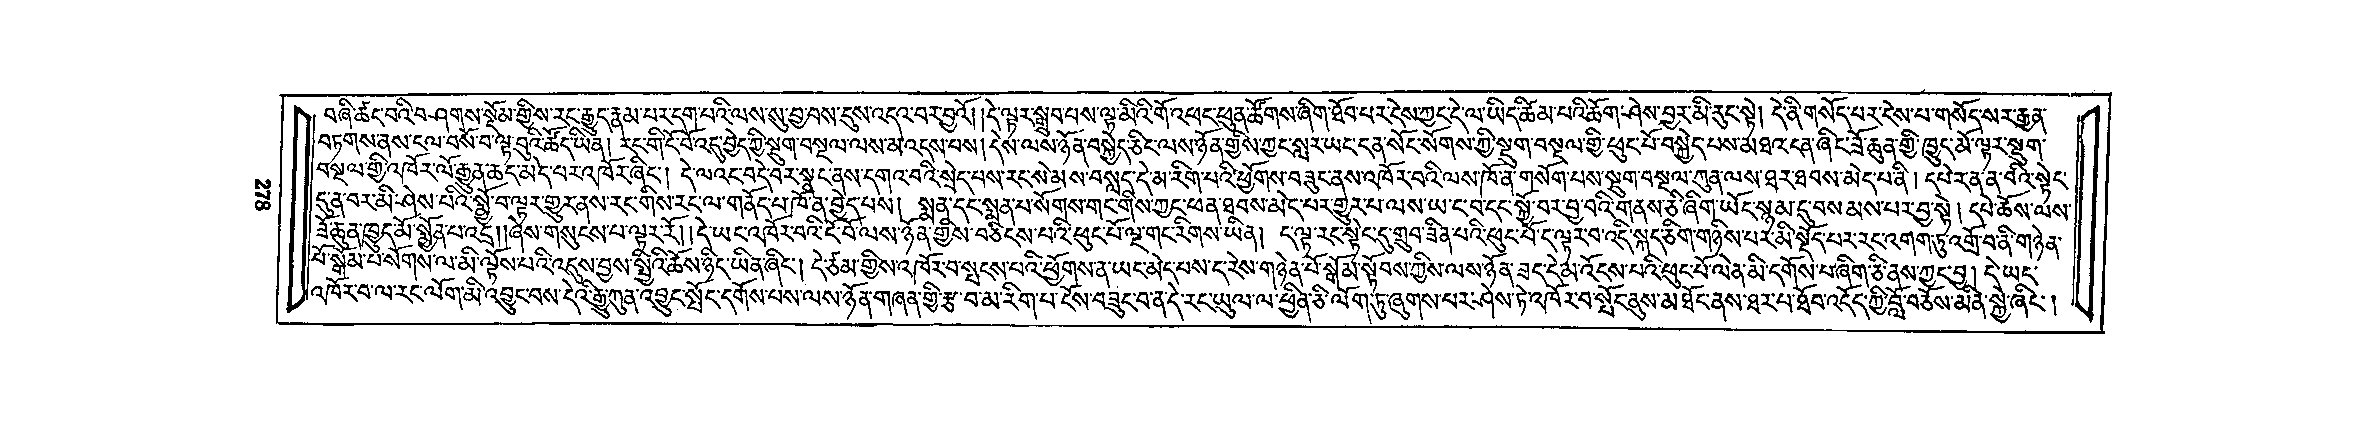བཞི་ཚང་བའི་་བཤགས་སྡོམ་གྱིས་རང་རྒྱུད་རྣམ་པར་ད་དག་པའི་ལས་སུ་བྱ་བས་དུས་འདའ་བར་བའོ། །དེ་ལྟར་སྒྲུབ་པས་ལྟ་མིའི་གོ་འཕང་ཕུན་ཚོགས་ཞིག་ཐོབ་པར་དེས་ཀྱང་དེ་ལ་ཡིད་ཚིམ་པའི་ཆོག་ཤེས་བྱར་མི་རུང་སྟེ། དེ་ནི་གསོད་པར་ངེས་པ་གསོད་སར་རྒྱན་
བཏགས་ནས་ངལ་བསོ་བ་ལྟ་བུའི་ཚོད་ཡིན། རང་གི་ངོ་བོ་འདུ་བྱེད་ཀྱི་སྡུག་བསྔལ་ལས་མ་འདས་པས། དེས་ལས་ཉོན་བསྐྱེད་ཅིང་ལས་ཉོན་གྱིས་ཀྱང་སླར་ཡང་ངན་སོང་སོགས་ཀྱི་སྡུག་བསྔལ་གྱི་ཕུང་པོ་བསྐྱེད་པས་མཐའ་ངན་ཞིང་ཟོ་ཆུན་གྱི་ཁྱུད་མོ་ལྟར་སྡུག་
བསྔལ་གྱི་འཁོར་ལོ་རྒྱུན་ཆད་མེད་པར་འཁོར་ཞིང་། དེ་ལའང་བདེ་བར་སྣང་ནས་དགའ་བའི་སྲེད་པས་རང་སེམས་བསླད་དེ་མ་རིག་པའི་ཕྱོགས་བཟུང་ནས་འཁོར་བའི་ལས་ཁོ་ན་གསོག་པས་སྡུག་བསྔལ་ཀུན་ལས་ཐར་ཐབས་མེད་པ་ནི། དཔེར་ན་ན་བའི་སྟེང་
དུ་ན་བར་མི་ཤེས་པའི་སྨྱོ་བ་ལྟར་གྱུར་ནས་རང་གིས་རང་ལ་གནོད་པ་ཁོ་ན་བྱེད་པས། སྨན་དང་སྨན་པ་སོགས་གང་གིས་ཀྱང་ཕན་ཐབས་མེད་པར་གྱུར་པ་ལས་ཡ་ང་བ་དང་སྐྱོ་བར་བྱ་བའི་གནས་ཅི་ཞིག་ཡོང་སྙམ་དུ་བསམས་པར་བྱ་སྟེ། དཔེ་ཆོས་ལས་
ཟོ་ཆུན་ཁྱུད་མོ་སྨྱོན་པ་འདྲ། །ཞེས་གསུངས་པ་ལྟར་རོ། །དེ་ཡང་འཁོར་བའི་ངོ་བོ་ལས་ཉོན་གྱིས་བཅིངས་པའི་ཕུང་པོ་ལྔ་གང་རིགས་ཡིན། ད་ལྟ་རང་སྟེང་དུ་གྲུབ་ཟིན་པའི་ཕུང་པོ་ད་ལྟར་བ་འདི་སྐད་ཅིག་གཉིས་པར་མི་སྡོད་པར་རང་འགག་ཏུ་འགྲོ་བ་ནི་གཉེན་
པོ་སྒོམ་པ་སོགས་ལ་མི་ལྟོས་པའི་འདུས་བྱས་སྤྱིའི་ཆོས་ཉིད་ཡིན་ཞིང་། དེ་ཙམ་གྱིས་འཁོར་བ་སྤངས་པའི་ཕྱོགས་ན་ཡང་མེད་པས་ད་རེས་གཉེན་པོ་སྒོམ་སྟོབས་ཀྱིས་ལས་ཉོན་ཟད་དེ་མ་འོངས་པའི་ཕུང་པོ་ལེན་མི་དགོས་པ་ཞིག་ཅི་ནས་ཀྱང་བྱ། དེ་ཡང་
འཁོར་བ་ལ་རང་ལོག་མི་འབྱུང་བས་དེའི་རྒྱུན་ཀུན་འབྱུང་སྤོང་དགོས་པས་ལས་ཉོན་གཞན་གྱི་རྩ་བ་མ་རིག་པ་ངོས་བཟུང་བ་ན་དེ་རང་ཡུལ་ལ་ཕྱིན་ཅི་ལོག་ཏུ་ཞུགས་པར་ཤེས་ཏེ་འཁོར་བ་སྤོང་ནུས་མཐོང་ནས་ཐར་པ་ཐོབ་འདོད་ཀྱི་བློ་བཅོས་མིན་སྐྱེ་ཞིང་།